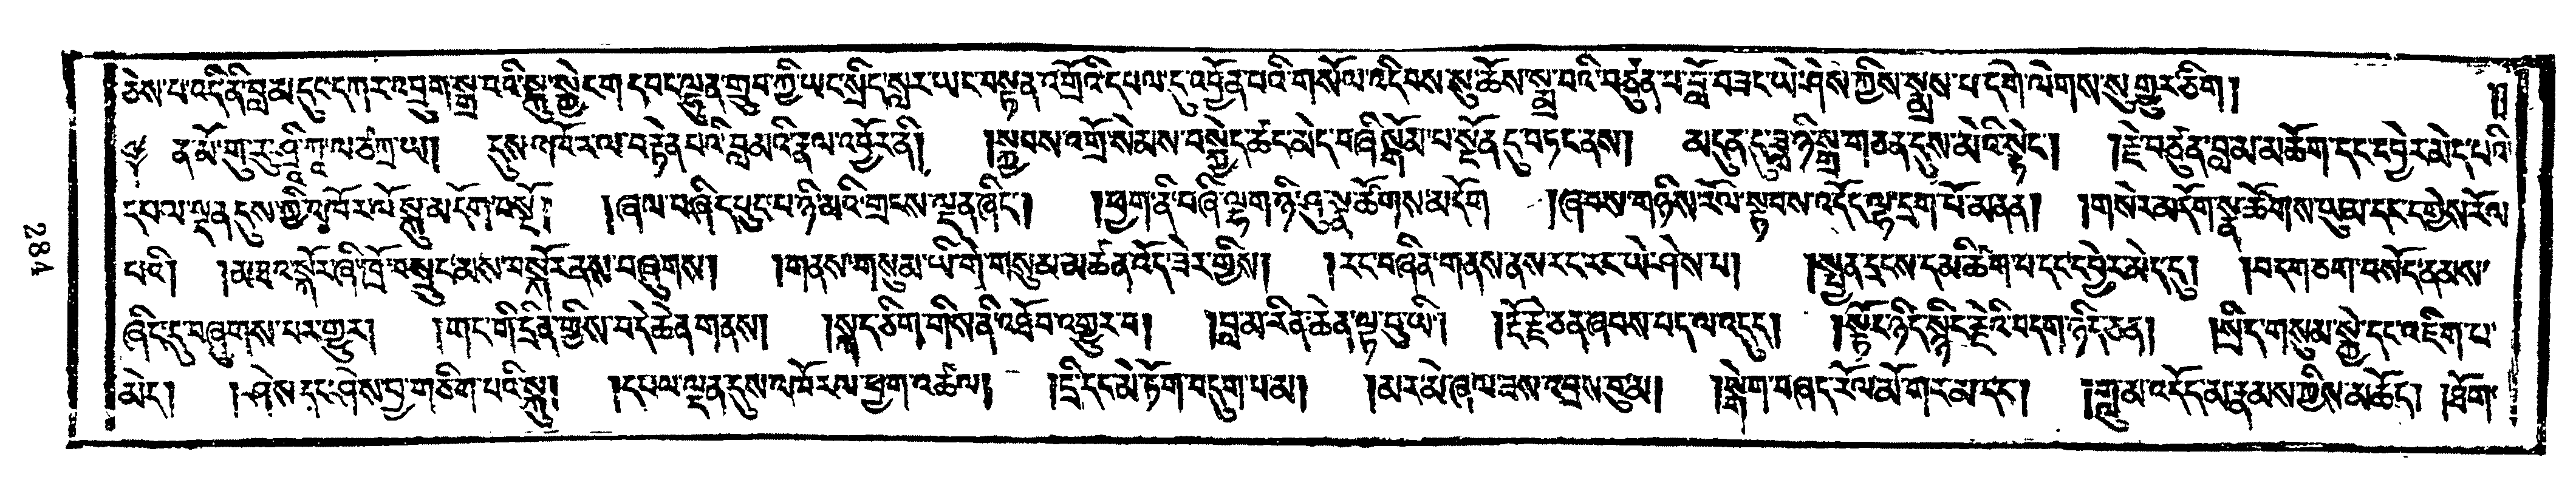ཅེས་པ་འདི་ནི་བླ་མ་དུང་དཀར་འབྲུག་སྒྲ་བའི་སྐུ་སྐྱེ་ངག་དབང་ལྷུན་གྲུབ་ཀྱི་ཡང་སྲིད་སླར་ཡང་བསྟན་འགྲོའི་དཔལ་དུ་འབྱོན་པའི་གསོལ་འདིབས་སུ་ཆོས་སྨྲ་བའི་བཙུན་པ་བློ་བཟང་ཡེ་ཤེས་ཀྱིས་སྨྲས་པ་དགེ་ལེགས་སུ་གྱུར་ཅིག ། །།
༈ ན་མོ་གུ་རུ་ཤྲཱི་ཀཱ་ལ་ཙཀྲ་ཡ། དུས་འཁོར་ལ་བརྟེན་པའི་བླ་མའི་རྣལ་འབྱོར་ནི། །སྐྱབས་འགྲོ་སེམས་བསྐྱེད་ཚད་མེད་བཞི་སྒོམ་པ་སྔོན་དུ་བཏང་ནས། མདུན་དུ་ཟླ་ཉི་སྒྲ་གཅན་དུས་མེའི་སྟེང་། །རྗེ་བཙུན་བླ་མ་མཆོག་དང་དབྱེར་མེད་པའི་
དཔལ་ལྡན་དུས་ཀྱི་འཁོར་ལོ་སྐུ་མདོག་བསྔོ། །ཞལ་བཞི་དཔུང་པ་ཉི་མའི་གྲངས་ལྡན་ཞིང་། །ཕྱག་ནི་བཞི་ལྷག་ཉི་ཤུ་སྣ་ཚོགས་མདོག །ཞབས་གཉིས་རོལ་སྟབས་འདོད་ལྷ་དྲག་པོ་མནན། །གསེར་མདོག་སྣ་ཚོགས་ཡུམ་དང་དགྱེས་རོལ་
པའི། །མཐའ་སྐོར་ཞི་ཁྲོ་བསྲུང་མས་བསྐོར་ནས་བཞུགས། །གནས་གསུམ་ཡི་གེ་གསུམ་མཚན་འོད་ཟེར་གྱིས། །རང་བཞིན་གནས་ནས་རང་རང་ཡེ་ཤེས་པ། །སྤྱན་དྲངས་དམ་ཚིག་པ་དང་དབྱེར་མེད་དུ། །བདག་ཅག་བསོད་ནམས་
ཞིང་དུ་བཞུགས་པར་གྱུར། །གང་གི་དྲིན་གྱིས་བདེ་ཆེན་གནས། །སྐད་ཅིག་གིས་ནི་འཐོབ་འགྱུར་བ། །བླ་མ་རིན་ཆེན་ལྟ་བུ་ཡི། །རྡོ་རྗེ་ཅན་ཞབས་པད་ལ་འདུད། །སྟོང་ཉིད་སྙིང་རྗེའི་བདག་ཉིད་ཅན། །སྲིད་གསུམ་སྐྱེ་དང་འཇིག་པ་
མེད། །ཤེས་དང་ཤེས་བྱ་གཅིག་པའི་སྐུ། །དཔལ་ལྡན་དུས་འཁོར་ལ་ཕྱག་འཚལ། །དྲི་དང་མེ་ཏོག་བདུག་པ་མ། །མར་མེ་ཞལ་ཟས་འབྲས་བུ་མ། །སྒེག་བཞད་རོལ་མོ་གར་མ་དང་། །གླུ་མ་འདོད་མ་རྣམས་ཀྱིས་མཆོད། །ཐོག་